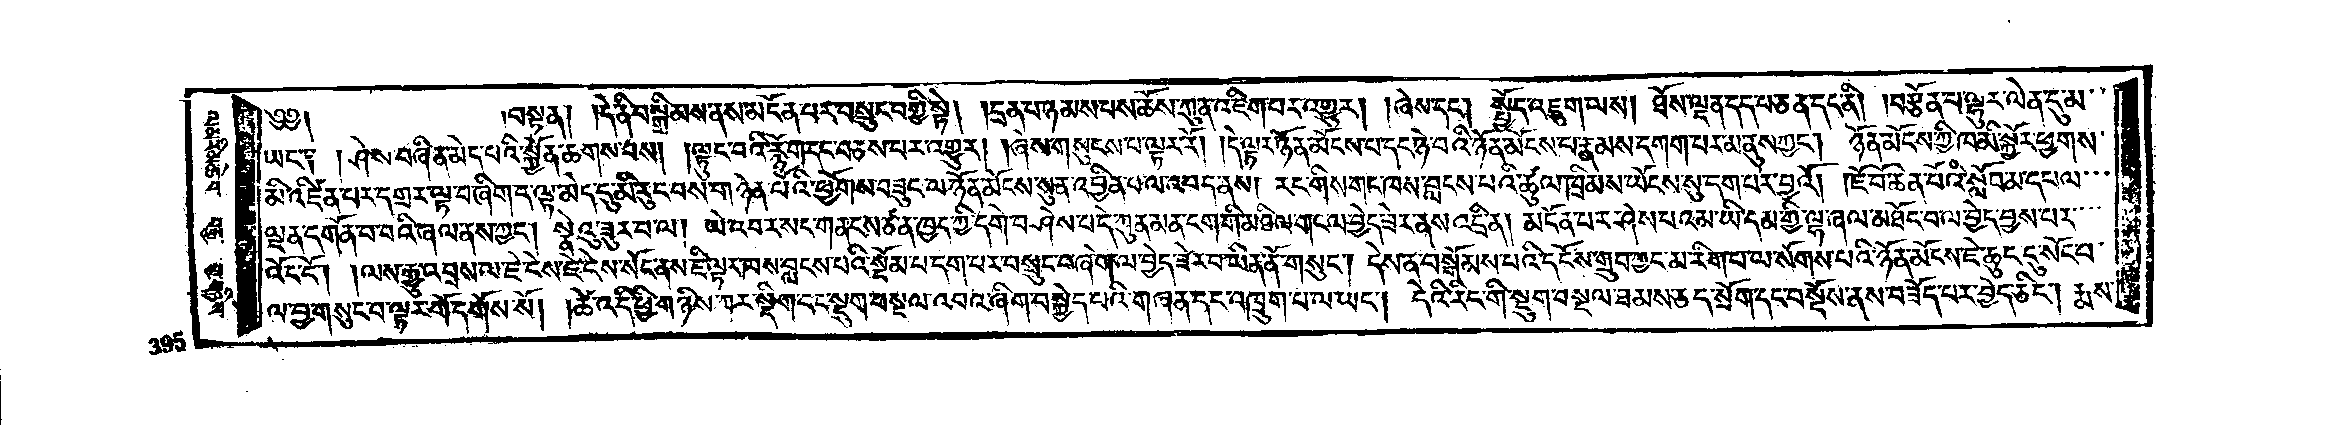༄༅། །བསྟན། །དེ་ནི་བསྒྲིམས་ནས་མངོན་པར་བསྲུང་བགྱི་སྟེ། །དྲན་པ་ཉམས་པས་ཆོས་ཀུན་འཇིག་པར་འགྱུར། །ཞེས་དང་། སྤྱོད་འཇུག་ལས། ཐོས་ལྡན་དད་པ་ཅན་དང་ནི། །བརྩོན་པ་ལྷུར་ལེན་དུ་མ་
ཡང༑ ༑ཤེས་བཞིན་མེད་པའི་སྐྱོན་ཆགས་པས། ལྟུང་བའི་རྙོག་དང་བཅས་པར་འགྱུར། །ཞེས་གསུངས་པ་ལྟར་རོ། །དེ་ལྟར་ཉོན་མོངས་པ་དང་ཉེ་བའི་ཉོན་མོངས་པ་རྣམས་དགག་པར་མ་ནུས་ཀྱང་། ཉོན་མོངས་ཀྱི་ཁ་མི་སྐྱོར་ཕྱོགས་
མི་འཛིན་པར་དགྲར་ལྟ་བ་ཞིག་ད་ལྟ་མེད་དུ་མི་རུང་བས་གཉེན་པོའི་ཕྱོགས་བཟུང་ལ་ཉོན་མོངས་སུན་འབྱིན་པ་ལ་འབད་ནས། རང་གིས་གང་ཁས་བླངས་པའི་ཚུལ་ཁྲིམས་ཡོངས་སུ་དག་པར་བྱའོ། །ཇོ་བོ་ཆེན་པོའི་སློབ་མ་དཔལ་
ལྡན་དགོན་པ་བའི་ཞལ་ནས་ཀྱང་། སྣེའུ་ཟུར་པ་ལ། ཡེ་འབར་སང་གནངས་ཙ་ན་ཁྱེད་ཀྱི་དགེ་བཤེས་པ་དེ་ཀུན་མན་ངག་གི་མཐིལ་གང་ལ་བྱེད་ཟེར་ནས་འདྲི་ན། མངོན་པར་ཤེས་པའམ་ཡི་དམ་གྱི་ལྷ་ཞལ་མཐོང་བ་ལ་བྱེད་བྱས་པར་
འོང་ངོ། །ལས་རྒྱུ་འབྲས་ལ་ཇེ་ངེས་ཇེ་ངེས་སོང་ནས་ཇི་ལྟར་ཁས་བླངས་པའི་སྡོམ་པ་དག་པར་བསྲུང་བ་ཞིག་ལ་བྱེད་ཟེར་བ་ཡིན་ནོ་གསུང་། དེས་ན་བསྒོམས་པའི་དངོས་གྲུབ་ཀྱང་མ་རིག་པ་ལ་སོགས་པའི་ཉོན་མོངས་ཇེ་ཆུང་དུ་སོང་བ་
ལ་བྱ་གསུང་བ་ལྟར་གོ་དགོས་སོ། །ཚེ་འདི་ཕྱི་གཉིས་ཀར་སྡིག་དང་སྡུག་བསྔལ་འབའ་ཞིག་བསྐྱེད་པའི་གཞན་དང་འཁྲུག་པ་ལ་ཡང་། དེའི་རིང་གི་སྡུག་བསྔལ་ཐམས་ཅད་སྲོག་དང་བསྡོས་ནས་བཟོད་པར་བྱེད་ཅིང་། རྨས་